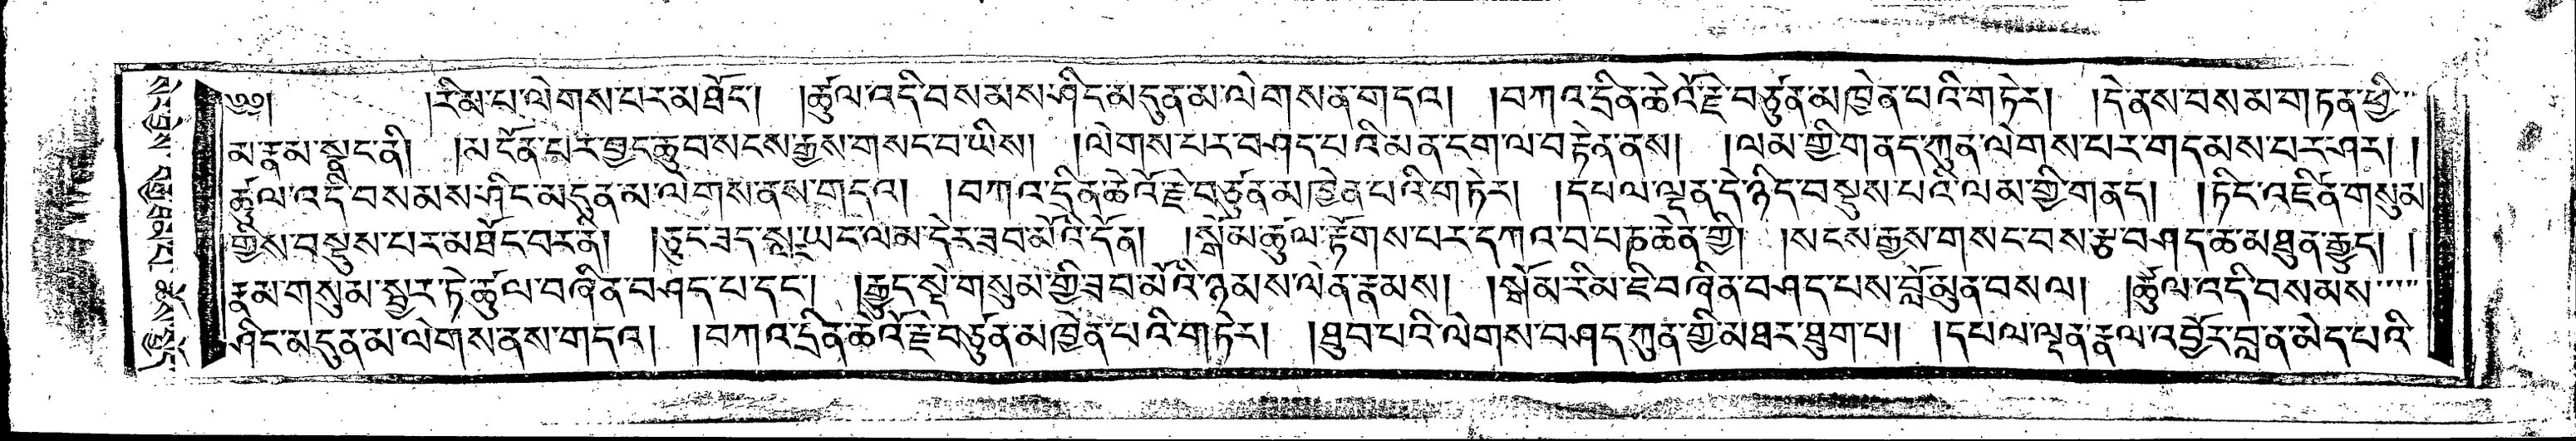༄༅། །རིམ་པ་ལེགས་པར་མཐོང་། །ཚུལ་འདི་བསམས་ཤིང་མདུན་མ་ལེགས་ན་གདའ། །བཀའ་དྲིན་ཆེའོ་རྗེ་བཙུན་མཁྱེན་པའི་གཏེར། །དེ་ནས་བསམ་གཏན་ཕྱི་
མ་རྣམ་སྣང་ནི། །མངོན་པར་བྱང་ཆུབ་སངས་རྒྱས་གསང་བ་ཡིས། །ལེགས་པར་བཤད་པའི་མན་ངག་ལ་བརྟེན་ནས། །ལམ་གྱི་གནད་ཀུན་ལེགས་པར་གདམས་པར་ཤར། །
ཚུལ་འདི་བསམས་ཤིང་མདུན་མ་ལེགས་ནས་གདའ། །བཀའ་དྲིན་ཆེའོ་རྗེ་བཙུན་མཁྱེན་པའི་གཏེར། །དཔལ་ལྡན་དེ་ཉིད་བསྡུས་པའི་ལམ་གྱི་གནད། །ཏིང་འཛིན་གསུམ་
གྱིས་བསྡུས་པར་མཐོང་བར་ནི། །ཅུང་ཟད་སླར་ཡང་ལམ་དེར་ཟབ་མོའི་དོན། །སྒོམ་ཚུལ་རྟོགས་པར་དཀའ་བ་པཎ་ཆེན་གྱི། །སངས་རྒྱས་གསང་བས་རྩ་བཤད་ཆ་མཐུན་རྒྱུད། །
རྣམ་གསུམ་སྦྱར་ཏེ་ཚུལ་བཞིན་བཤད་པ་དང་། །རྒྱུད་སྡེ་གསུམ་གྱི་ཟབ་མོའི་ཉམས་ལེན་རྣམས། །སྒོམ་རིམ་ཇི་བཞིན་བཤད་པས་བློ་མུན་བསལ། །ཚུལ་འདི་བསམས་
ཤིང་མདུན་མ་ལེགས་ནས་གདའ། །བཀའ་དྲིན་ཆེའོ་རྗེ་བཙུན་མཁྱེན་པའི་གཏེར། །ཐུབ་པའི་ལེགས་བཤད་ཀུན་གྱི་མཐར་ཐུག་པ། །དཔལ་ལྡན་རྣལ་འབྱོར་བླ་ན་མེད་པའི་